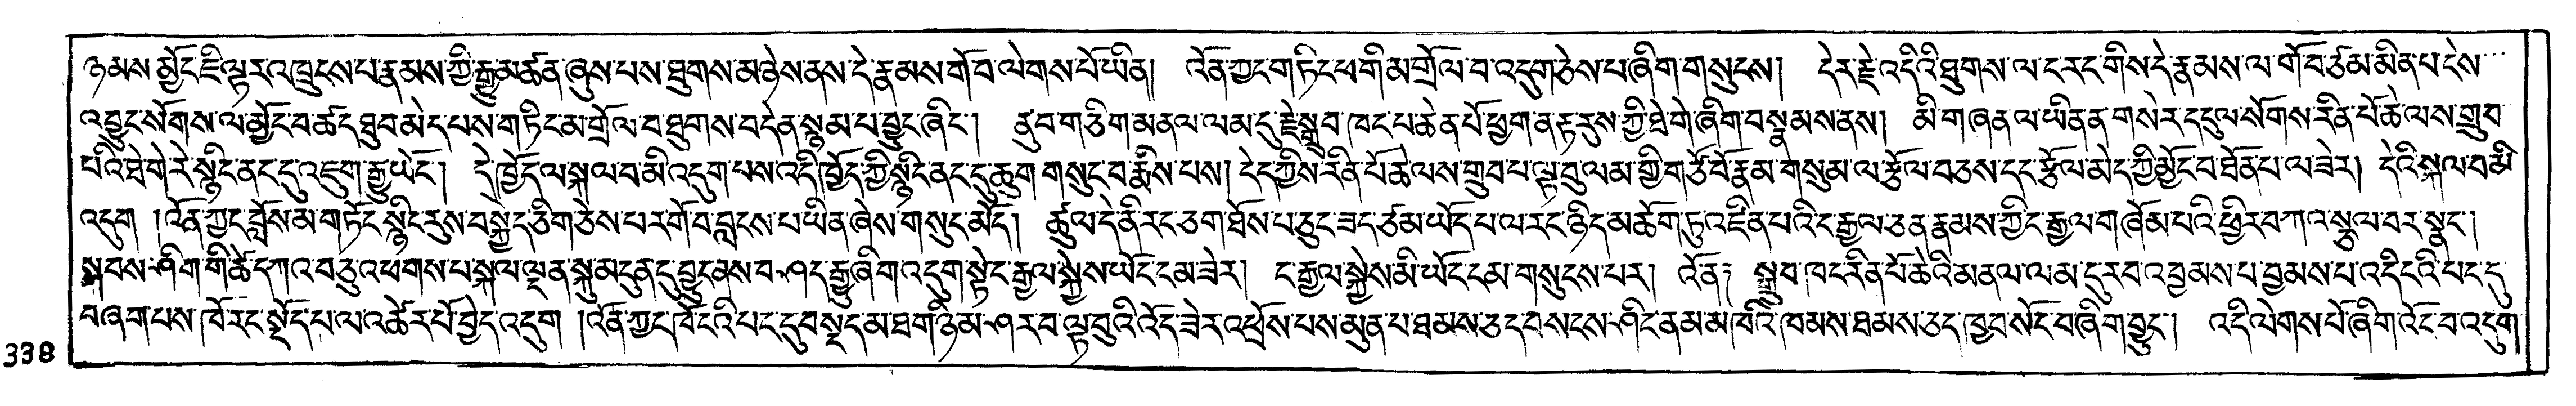ཉམས་མྱོང་ཇི་ལྟར་འཁྲུངས་པ་རྣམས་ཀྱི་རྒྱུ་མཚན་ཞུས་པས་ཐུགས་མཉེས་ནས་དེ་རྣམས་གོ་བ་ལེགས་པོ་ཡིན། འོན་ཀྱང་གཏིང་ཕ་གི་མ་གྲོལ་བ་འདུག་ཅེས་པ་ཞིག་གསུངས། དེར་རྗེ་འདིའི་ཐུགས་ལ་ང་རང་གིས་དེ་རྣམས་ལ་གོ་བ་ཙམ་མིན་པ་ངེས་
འབྱུང་སོགས་ལ་མྱོང་བ་ཚད་ཐུབ་མེད་པས་གཏིང་མ་གྲོལ་བ་ཐུགས་བདེན་སྙམ་པ་བྱུང་ཞིང་། ནུབ་གཅིག་མནལ་ལམ་དུ་རྗེ་སྒྲུབ་ཁང་པ་ཆེན་པོ་ཕྱག་ན་རྟ་རུས་ཀྱི་ཐེ་གེ་ཞིག་བསྣམས་ནས། མི་གཞན་ལ་ཡིན་ན་གསེར་དངུལ་སོགས་རིན་པོ་ཆེ་ལས་གྲུབ་
པའི་ཐེ་གེ་རེ་སྙིང་ནང་དུ་འཇུག་རྒྱུ་ཡོང་། དེ་ཁྱེད་ལ་སྐལ་བ་མི་འདུག་བས་འདི་ཁྱོད་ཀྱི་སྙིང་ནང་དུ་ཆུག་གསུང་བ་རྨིས་པས། ངེད་ཀྱིས་རིན་པོ་ཆེ་ལས་གྲུབ་པ་ལྟ་བུ་ལམ་གྱི་གཙོ་བོ་རྣམ་གསུམ་ལ་རྩོལ་བཅས་དང་རྩོལ་མེད་ཀྱི་མྱོང་བ་ཐོན་པ་ལ་ཟེར། དེའི་སྐལ་བ་མི་
འདུག །འོན་ཀྱང་བློས་མ་གཏོང་སྙིང་རུས་བསྐྱེད་ཅིག་ཅེས་པར་གོ་བ་བླངས་པ་ཡིན་ཞེས་གསུང་མོད། ཚུལ་དེ་ནི་རང་ཅག་ཐོས་པ་ཅུང་ཟད་ཅམ་ཡོད་པ་ལ་རང་ཉིད་མཆོག་ཏུ་འཛིན་པའི་ང་རྒྱལ་ཅན་རྣམས་ཀྱི་ང་རྒྱལ་གཞོམ་བའི་ཕྱིར་བཀའ་སྩལ་བར་སྣང་།
སྐབས་ཤིག་གི་ཚེ་དཀའ་བཅུ་འཕགས་པ་སྐལ་ལྡན་སྐུ་མདུན་དུ་བྱུང་ནས་བཤད་རྒྱུ་ཞིག་འདུག་སྟེ་ང་རྒྱལ་སྐྱེས་ཡོང་ངམ་ཟེར། ང་རྒྱལ་སྐྱེས་མི་ཡོང་ངམ་གསུངས་པར། འོ་ན། སྒྲུབ་ཁང་རིན་པོ་ཆེའི་མནལ་ལམ་དུ་རབ་འབྱམས་པ་བྱམས་པ་འདི་ངའི་པང་དུ་
བཞག་པས་ཁོ་རང་སྡོད་པ་ལ་འཚེར་པོ་བྱེད་འདུག །འོན་ཀྱང་ཁོ་ངའི་པང་དུ་བསྡད་མ་ཐག་ཉི་མ་ཤར་བ་ལྟ་བུའི་འོད་ཟེར་འཕྲོས་པས་མུན་པ་ཐམས་ཅད་བསངས་ཤིང་ནམ་མཁའི་ཁམས་ཐམས་ཅད་ཁྱབ་སོང་བ་ཞིག་བྱུང་། འདི་ལེགས་པོ་ཞིག་འོང་བ་འདུག་